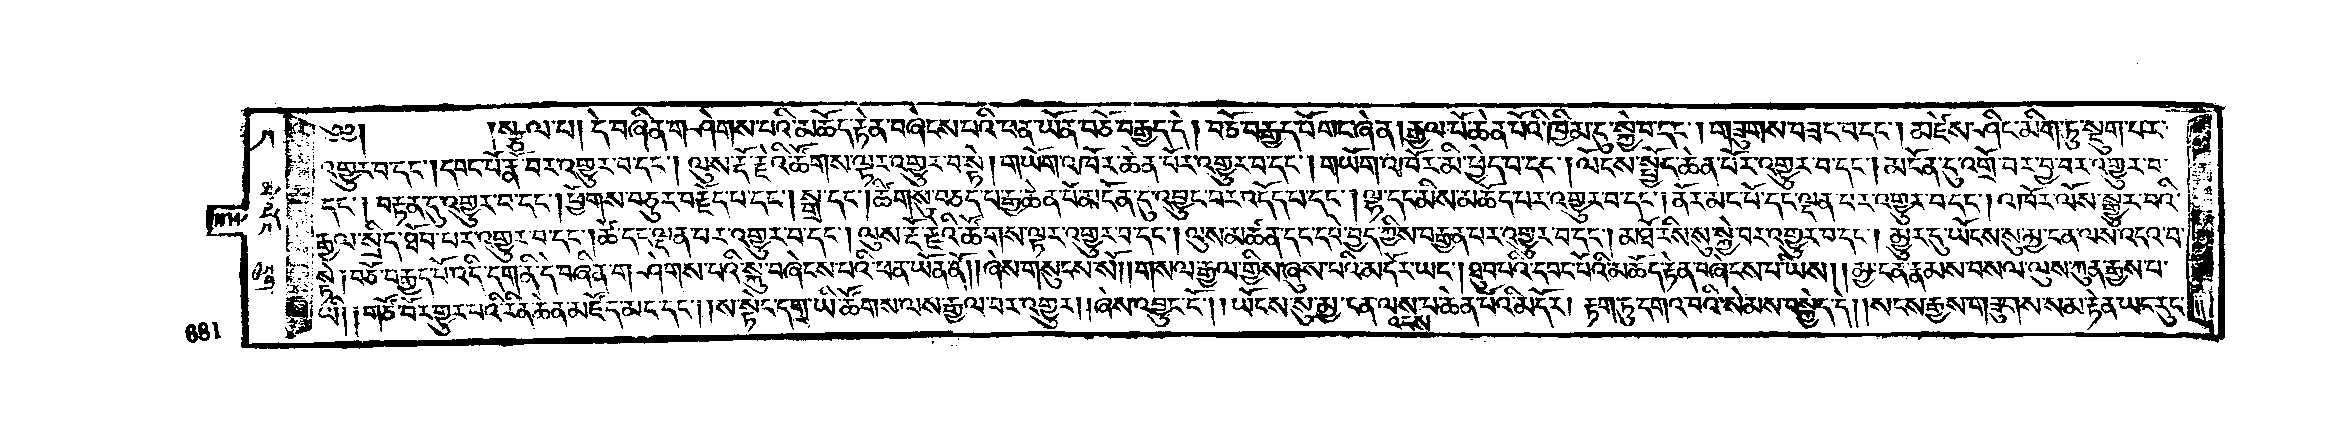༄༅། །སྩལ་པ། དེ་བཞིན་གཤེགས་པའི་མཆོད་རྟེན་བཞེངས་པའི་ཕན་ཡོན་བཅོ་བརྒྱད་དེ། བཅོ་བརྒྱད་པོ་གང་ཞེ་ན། རྒྱལ་པོ་ཆེན་པོའི་ཁྱིམ་དུ་སྐྱེ་བ་དང་། གཟུགས་བཟང་བ་དང་། མཛེས་ཤིང་མིག་ཏུ་སྡུག་པར་
འགྱུར་བ་དང་། དབང་པོ་རྣོ་བར་འགྱུར་བ་དང་། ལུས་རྡོ་རྗེའི་ཚོགས་ལྟར་འགྱུར་བ་སྟེ། གཡོག་འཁོར་ཆེན་པོར་འགྱུར་བ་དང་། གཡོག་འཁོར་མི་ཕྱེད་པ་དང་། ལོངས་སྤྱོད་ཆེན་པོར་འགྱུར་བ་དང་། མངོན་དུ་འགྲོ་བར་བྱ་བར་འགྱུར་བ་
དང་། བརྟན་དུ་འགྱུར་བ་དང་། ཕྱོགས་བཅུར་བརྗོད་པ་དང་། སྒྲ་དང་། ཚིགས་སུ་བཅད་པ་རྒྱ་ཆེན་པོ་མངོན་དུ་འབྱུང་བར་འདོད་པ་དང་། ལྷ་དང་མིས་མཆོད་པར་འགྱུར་བ་དང་། ནོར་མང་པོ་དང་ལྡན་པར་འགྱུར་བ་དང་། འཁོར་ལོས་སྒྱུར་བའི་
རྒྱལ་སྲིད་ཐོབ་པར་འགྱུར་བ་དང་། ཚེ་དང་ལྡན་པར་འགྱུར་བ་དང་། ལུས་རྡོ་རྗེའི་ཚོགས་ལྟར་འགྱུར་བ་དང་། ལུས་མཚན་དང་དཔེ་བྱད་ཀྱིས་བརྒྱན་པར་འགྱུར་བ་དང་། མཐོ་རིས་སུ་སྐྱེ་བར་འགྱུར་བ་དང་། མྱུར་དུ་ཡོངས་སུ་མྱ་ངན་ལས་འདའ་བ་
སྟེ། བཅོ་བརྒྱད་པོ་འདི་དག་ནི་དེ་བཞིན་གཤེགས་པའི་སྐུ་བཞེངས་པའི་ཕན་ཡོན་ནོ། །ཞེས་གསུངས་སོ། །གསལ་རྒྱལ་གྱིས་ཞུས་པའི་མདོར་ཡང་། ཐུབ་པའི་དབང་པོའི་མཆོད་རྟེན་བཞེངས་པ་ཡིས། །མྱ་ངན་རྣམས་བསལ་ལུས་ཀུན་རྒྱས་པ་
ཡི། །གཙོ་བོར་གྱུར་པའི་རིན་ཆེན་མཛོད་མང་དང་། །ས་སྟེང་དགྲ་ཡི་ཚོགས་ལས་རྒྱལ་བར་འགྱུར། །ཞེས་འབྱུང་ངོ། །ཡོངས་སུ་མྱ་ངན་ལས་འདས་པ་ཆེན་པོའི་མདོར། རྟག་ཏུ་དགའ་བའི་སེམས་བསྐྱེད་དེ། །སངས་རྒྱས་གཟུགས་སམ་རྟེན་ཡང་རུང་